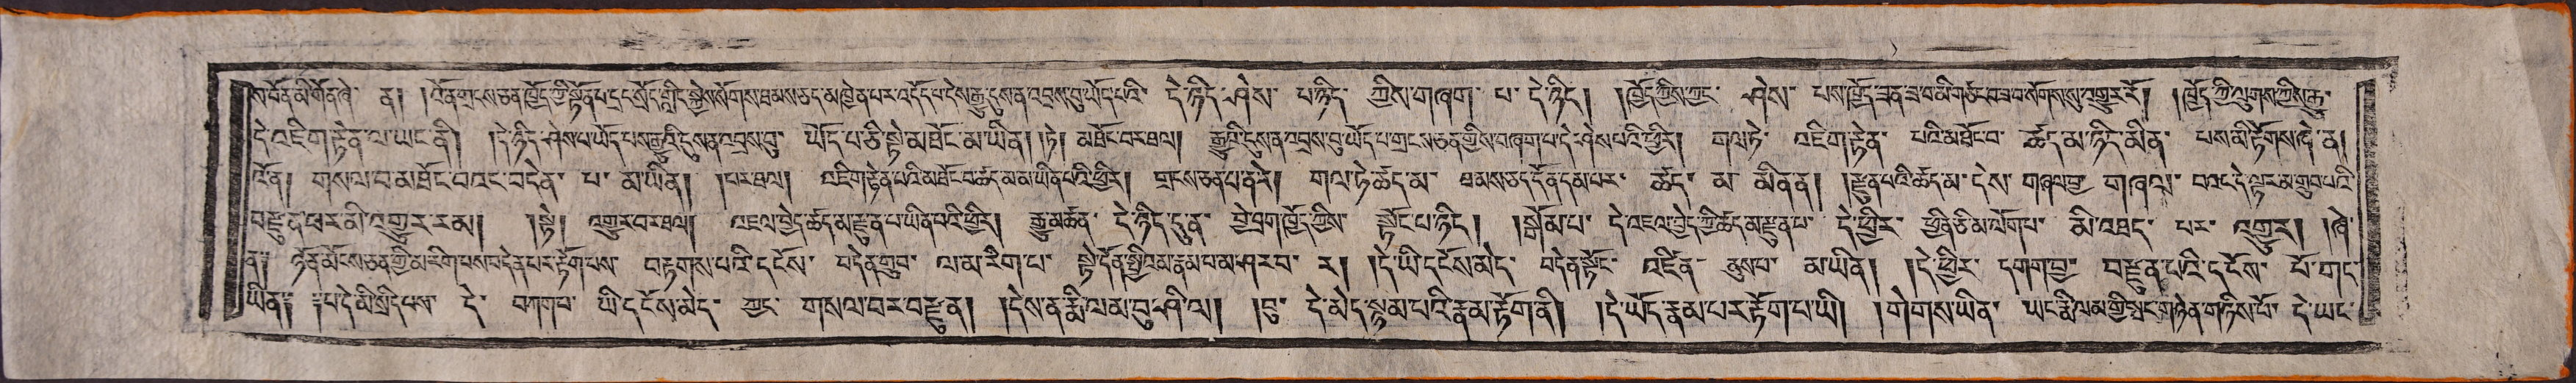ས་བོན་མི་གོན་ཞེ་ན། །འོན་གྲངས་ཅན་ཁྱོད་ཀྱི་སྟོན་པ་དྲང་སྲོང་གླིང་སྐྱེས་སོགས་ཐམས་ཅད་མཁྱེན་པར་འདོད་པ་དེས་རྒྱུ་དུས་ན་འབྲས་བུ་ཡོད་པའི་དེ་ཉིད་ཤེས་པ་ཉིད་ཀྱིས་གཞག་པ་དེ་ཉིད། །ཁྱོད་ཀྱིས་ཀྱང་ཤེས་པས་ཁྱོད་ཟན་ཟ་བ་མི་གཙང་བཟབ་སོགས་སུ་འགྱུར་རོ། །ཁྱོད་ཀྱི་ལུགས་ཀྱིས་རྒྱུ
དེ་འཇིག་རྟེན་ལ་ཡང་ནི། །དེ་ཉིད་ཤེས་པ་ཡོད་པས་རྒྱུའི་དུས་ན་འབྲས་བུ་ཡོད་བ་ཅི་སྟེ་མཐོང་མ་ཡིན། །ཏེ། མཐོང་བར་ཐལ། རྒྱུའི་དུས་ན་འབྲས་བུ་ཡོད་པ་གྲངས་ཅན་གྱིས་བཞག་པ་དེ་ཤེས་པའི་ཕྱིར། གལ་ཏེ་འཇིག་རྟེན་པའི་མཐོང་བ་ཚད་མ་ཉིད་མིན་པས་མི་རྟོགས་ཞེ་ན། །
འོ་ན། གསལ་བ་མཐོང་བའང་བདེན་པ་མ་ཡིན། །པར་ཐལ།  འཇིག་རྟེན་པའི་མཐོང་བ་ཚད་མ་མ་ཡིན་པའི་ཕྱིར། གྲངས་ཅན་པ་ན་རེ། གལ་ཏེ་ཚད་མ་ཐམས་ཅད་དོན་དམ་པར་ཆད་མ་མིན་ན། །རྫུན་པའི་ཚད་མ་དེས་གཞལ་བྱ་གཞལ་བའང་དེ་ལྟར་མ་གྲུབ་པའི་
བརྫུན་པར་མི་འགྱུར་རམ། །སྟེ། འགྱུར་བར་ཐལ། འཇལ་བྱེད་ཚད་མ་རྫུན་པ་ཡིན་པའི་ཕྱིར། རྒྱུ་མཚན་དེ་ཉིད་དུ་ན་བྱེ་བྲག་ཁྱོད་ཀྱིས་སྟོང་པ་ཉིད། །སྒོམ་པ་དེ་འཇལ་བྱེད་ཀྱི་ཚད་མ་རྫུན་པ་དེ་ཕྱིར་ཕྱིན་ཅི་མ་ལོག་པ་མི་འཐད་པར་འགྱུར། །ཞེ་
ན༑ ཉོན་མོངས་ཅན་གྱི་མ་རིག་པས་བདེན་པར་རྟོག་པས་བརྟགས་པའི་དངོས་བདེན་གྲུབ་ལ་མ་རེག་པ་སྟེ་དོན་སྤྱིའམ་རྣམ་པ་མ་ཤར་ནྦར། །དེ་ཡི་དངོས་མེད་བདེན་སྟོང་འཛིན་ནུས་པ་མ་ཡིན། །དེ་ཕྱིར་དགག་བྱ་བརྫུན་པའི་དངོས་པོ་གང་
ཡིན༑ ༑པ་དེ་མི་སྲིད་པས་དེ་བཀག་པ་ཡི་དངོས་མེད་ཀྱང་གསལ་བར་བརྫུན། །དེས་ན་རྨི་ལམ་བུ་ཤི་ལ། །བུ་དེ་མེད་སྙམ་པའི་རྣམ་རྟོག་ནི། །དེ་ཡོད་རྣམ་པར་རྟོག་པ་ཡི། །གེགས་ཡིན་ཡང་རྨི་ལམ་གྱི་སྤང་གཉེན་གཉིས་པོ་དེ་ཡང་